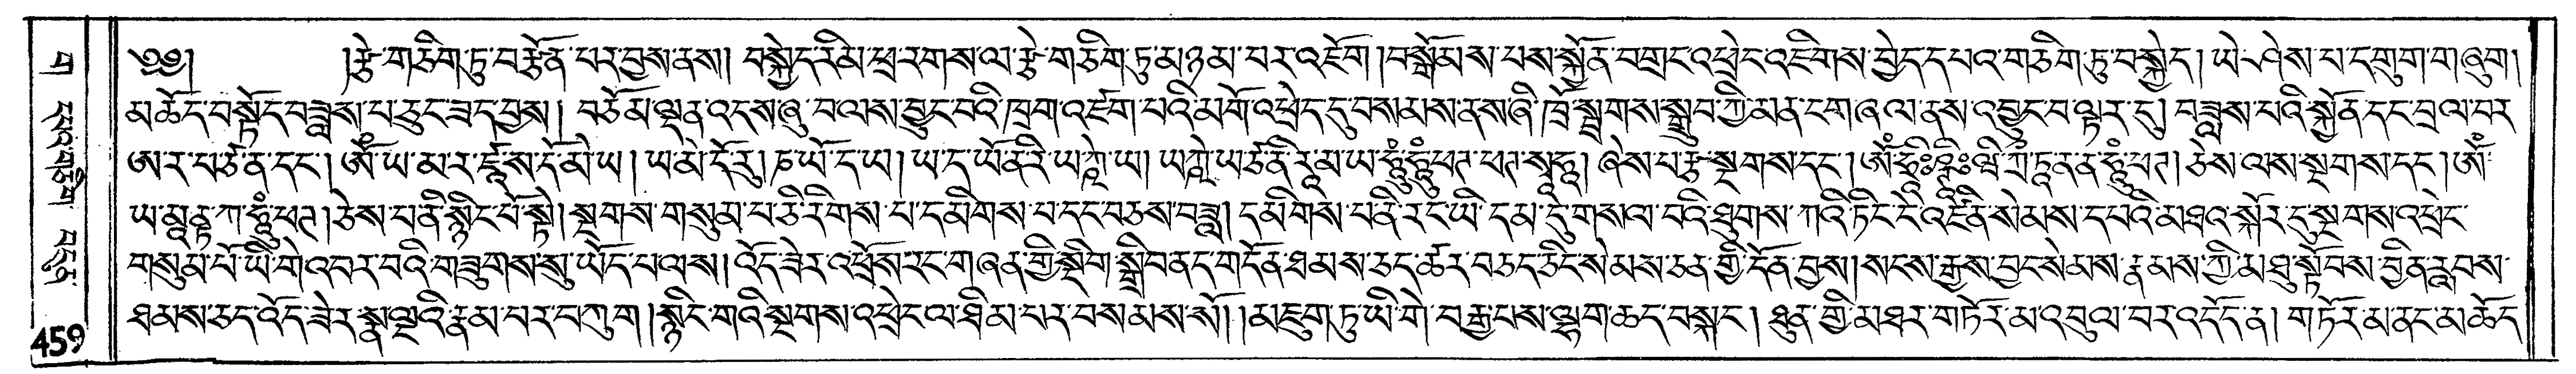༄༅། །རྩེ་གཅིག་ཏུ་བརྩོན་པར་བྱས་ནས། བསྐྱེད་རིམ་ཕྲ་རགས་ལ་རྩེ་གཅིག་ཏུ་མཉམ་པར་འཇོག །བསྒོམས་པས་སྐྱོན་བགྲང་འཕྲེང་འཇིགས་བྱེད་དཔའ་གཅིག་ཏུ་བསྐྱེད། ཡེ་ཤེས་པ་དགུག་གཞུག །
མཆོད་བསྟོད་བཟླས་པ་ཅུང་ཟད་བྱས། བཅོམ་ལྡན་འདས་ཞུ་བ་ལས་བྱུང་བའི་ཁྲག་འཛག་པའི་མགོ་འཕྲེད་དུ་བསམས་ནས་ཞི་ཁྲོ་སྦྲགས་སྒྲུབ་ཀྱི་མན་ངག་ཞལ་ནས་འབྱུང་བ་ལྟར་དུ། བཟླས་པའི་སྐྱོན་དང་བྲལ་བར་
ཨ་ར་པ་ཙ་ན་དང་། ཨོཾ་ཡ་མ་ར་ཛཱ་ས་དོ་མེ་ཡ། ཡ་མེ་དོ་རུ། ཎ་ཡོ་ད་ཡ། ཡ་ད་ཡོ་ན་རི་ཡ་ཀྵེ་ཡ། ཡཀྵེ་ཡ་ཙ་ནི་རཱ་མ་ཡ་ཧཱུཾ་ཧཱུཾ་ཕཊ་ཕཊ་སྭཱཧཱ། ཞེས་པ་རྩ་སྔགས་དང་། ཨོཾ་ཧྲཱིཿ ཥྚཱིཿ ཝི་ཀྲྀ་ཏཱ་ན་ན་ཧཱུཾ་ཕཊ། ཅེས་ལས་སྔགས་དང་། ཨོཾ་
ཡ་མཱནྟ་ཀ་ཧཱུཾ་ཕཊ། ཅེས་པ་ནི་སྙིང་པོ་སྟེ། སྔགས་གསུམ་པ་ཅི་རིགས་པ་དམིགས་པ་དང་བཅས་བཟླ། དམིགས་པ་ནི་རང་ཡི་དམ་དུ་གསལ་བའི་ཐུགས་ཀའི་ཏིང་ངེ་འཛིན་སེམས་དཔའི་མཐའ་སྐོར་དུ་སྔགས་འཕྲེང་
གསུམ་པོ་ཡི་གེ་འབར་བའི་གཟུགས་སུ་ཡོད་པ་ལས། འོད་ཟེར་འཕྲོས་རང་གཞན་གྱི་སྡིག་སྒྲིབ་ནད་གདོན་ཐམས་ཅད་ཚར་བཅད་ཅིང་སེམས་ཅན་གྱི་དོན་བྱས། སངས་རྒྱས་བྱང་སེམས་རྣམས་ཀྱི་མཐུ་སྟོབས་བྱིན་རླབས་
ཐམས་ཅད་འོད་ཟེར་སྣ་ལྔའི་རྣམ་པར་བཀུག །སྙིང་གའི་སྔགས་འཕྲེང་ལ་ཐིམ་པར་བསམས་སོ། །མཇུག་ཏུ་ཡི་གེ་བརྒྱ་པས་ལྷག་ཆད་བསྐང་། ཐུན་གྱི་མཐར་གཏོར་མ་འབུལ་བར་འདོད་ན། གཏོར་མ་ནང་མཆོད་